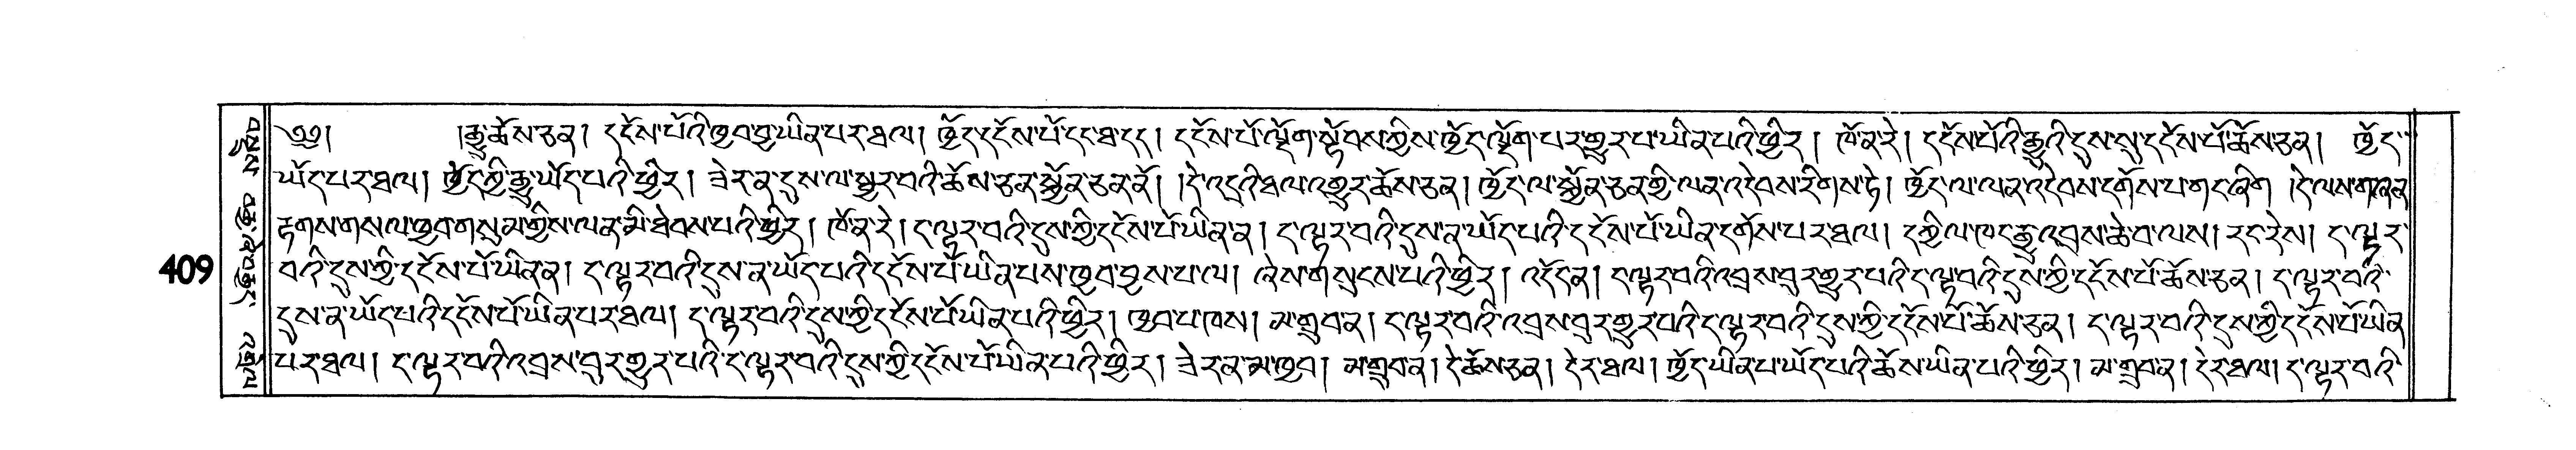༄༅། །རྒྱུ་ཆོས་ཅན། དངོས་པོའི་ཁྱབ་བྱ་ཡིན་པར་ཐལ། ཁྱོད་དངོས་པོ་དང་ཐ་དད། དངོས་པོ་ལྡོག་སྟོབས་ཀྱིས་ཁྱོད་ལྡོག་པར་གྱུར་པ་ཡིན་པའི་ཕྱིར། ཁོ་ན་རེ། དངོས་པོའི་རྒྱུའི་དུས་སུ་དངོས་པོ་ཆོས་ཅན། ཁྱོད་
ཡོད་པར་ཐལ། ཁྱོད་ཀྱི་རྒྱུ་ཡོད་པའི་ཕྱིར། ཟེར་ན་དུས་ལ་སྦྱར་བའི་ཆོས་ཅན་སྐྱོན་ཅན་ནོ། །དེ་འདྲའི་ཐལ་འགྱུར་ཆོས་ཅན། ཁྱོད་ལ་སྐྱོན་ཅན་གྱི་ལན་འདེབས་རིགས་ཏེ། ཁྱོད་ལ་ལན་འདེབས་དགོས་པ་གང་ཞིག། དེ་ལས་གཞན་
རྟགས་གསལ་ཁྱབ་གསུམ་གྱིས་ལན་མི་ཐེབས་པའི་ཕྱིར། ཁོ་ན་རེ། ད་ལྟར་བའི་དུས་ཀྱི་དངོས་པོ་ཡིན་ན། ད་ལྟར་བའི་དུས་ན་ཡོད་པའི་དངོས་པོ་ཡིན་དགོས་པར་ཐལ། དཀྱིལ་ཁང་རྒྱུ་འབྲས་ཆེ་བ་ལས། རང་རེས། ད་ལྟར་
བའི་དུས་ཀྱི་དངོས་པོ་ཡིན་ན། ད་ལྟར་བའི་དུས་ན་ཡོད་པའི་དངོས་པོ་ཡིན་པས་ཁྱབ་བྱས་པ་ལ། ཞེས་གསུངས་པའི་ཕྱིར། འདོད་ན། ད་ལྟར་བའི་འབྲས་བུར་གྱུར་བའི་ད་ལྟ་བའི་དུས་ཀྱི་དངོས་པོ་ཆོས་ཅན། ད་ལྟར་བའི་
དུས་ན་ཡོད་པའི་དངོས་པོ་ཡིན་པར་ཐལ། ད་ལྟར་བའི་དུས་ཀྱི་དངོས་པོ་ཡིན་པའི་ཕྱིར། ཁྱབ་པ་ཁས། མ་གྲུབ་ན། ད་ལྟར་བའི་འབྲས་བུར་གྱུར་བའི་ད་ལྟར་བའི་དུས་ཀྱི་དངོས་པོ་ཆོས་ཅན། ད་ལྟར་བའི་དུས་ཀྱི་དངོས་པོ་ཡིན་
པར་ཐལ། ད་ལྟར་བའི་འབྲས་བུར་གྱུར་བའི་ད་ལྟར་བའི་དུས་ཀྱི་དངོས་པོ་ཡིན་པའི་ཕྱིར། ཟེར་ན་མ་ཁྱབ། མ་གྲུབ་ན། དེ་ཆོས་ཅན། དེར་ཐལ། ཁྱོད་ཡིན་པ་ཡོད་པའི་ཆོས་ཡིན་པའི་ཕྱིར། མ་གྲུབ་ན། དེར་ཐལ། ད་ལྟར་བའི་